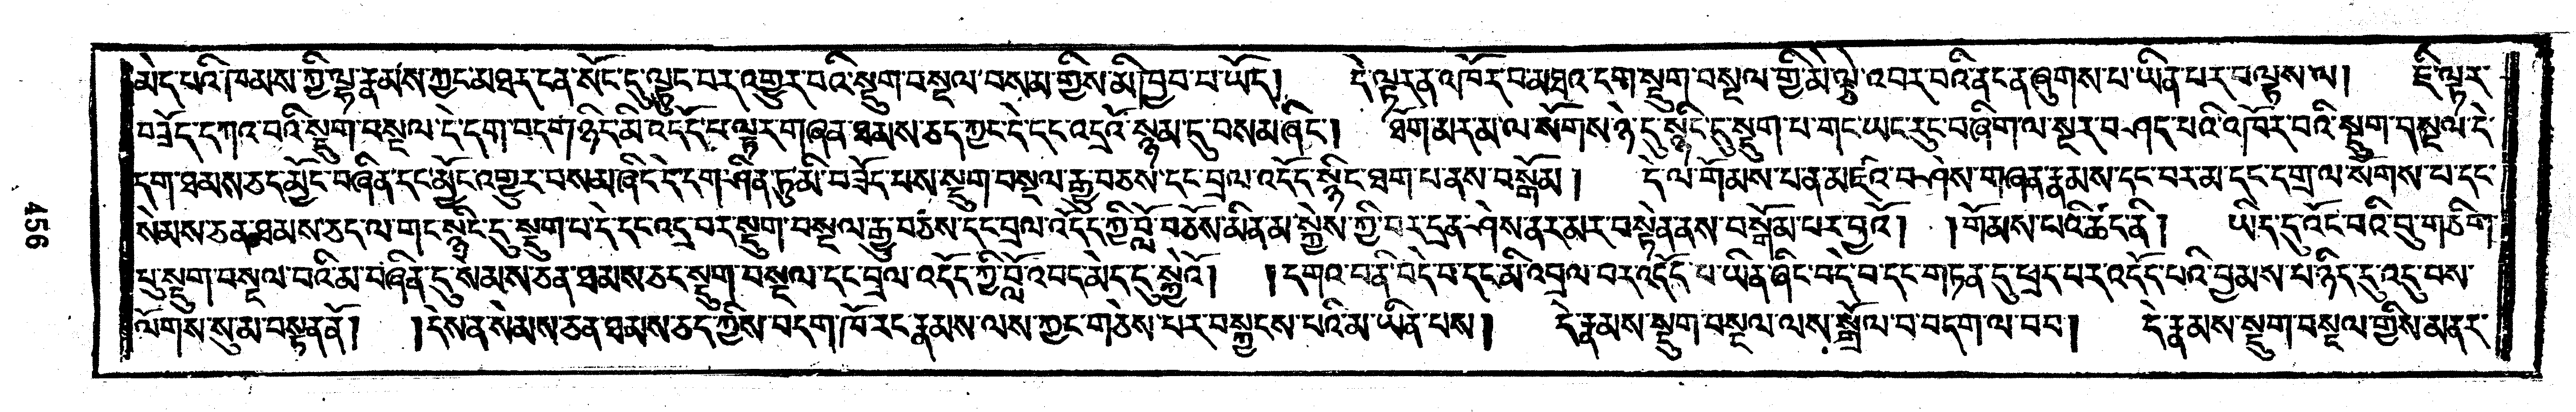མེད་པའི་ཁམས་ཀྱི་ལྷ་རྣམས་ཀྱང་མཐར་ངན་སོང་དུ་ལྟུང་བར་འགྱུར་བའི་སྡུག་བསྔལ་བསམ་གྱིས་མི་ཁྱབ་པ་ཡོད། དེ་ལྟར་ན་འཁོར་བ་མཐའ་དག་སྡུག་བསྔལ་གྱི་མེ་ལྕེ་འབར་བའི་ནང་ན་ཞུགས་པ་ཡིན་པར་བལྟས་ལ། ཇི་ལྟར་
བཟོད་དཀའ་བའི་སྡུག་བསྔལ་དེ་དག་བདག་ཉིད་མི་འདོད་པ་ལྟར་གཞན་ཐམས་ཅད་ཀྱང་དེ་དང་འདྲའོ་སྙམ་དུ་བསམ་ཞིང་། ཐོག་མར་མ་ལ་སོགས་ཉེ་དུ་སྙིང་དུ་སྡུག་པ་གང་ཡང་རུང་བ་ཞིག་ལ་སྔར་བཤད་པའི་འཁོར་བའི་སྡུག་བསྔལ་དེ་
དག་ཐམས་ཅད་མྱོང་བཞིན་དང་མྱོང་འགྱུར་བསམ་ཞིང་དེ་དག་ཤིན་ཏུ་མི་བཟོད་པས་སྡུག་བསྔལ་རྒྱུ་བཅས་དང་བྲལ་འདོད་སྙིང་ཐག་པ་ནས་བསྒོམ། དེ་ལ་གོམས་པ་ན་མཛད་བཤེས་གཞན་རྣམས་དང་བར་མ་དང་དགྲ་ལ་སོགས་པ་དང་
སེམས་ཅན་ཐམས་ཅད་ལ་གང་སྙིང་དུ་སྡུག་པ་དེ་དང་འདྲ་བར་སྡུག་བསྔལ་རྒྱུ་བཅས་དང་བྲལ་འདོད་ཀྱི་བློ་བཅོས་མིན་མ་སྐྱེས་ཀྱི་བར་དྲན་ཤེས་ནར་མར་བསྟེ་ནས་བསྒོམ་པར་བྱའོ། །གོམས་པའི་ཚད་ནི། ཡིད་དུ་འོང་བའི་བུ་གཅིག་
པུ་སྡུག་བསྔལ་བའི་མ་བཞིན་དུ་སེམས་ཅན་ཐམས་ཅད་སྡུག་བསྔལ་དང་བྲལ་འདོད་ཀྱི་བློ་འབད་མེད་དུ་སྐྱེའོ། །དགའ་བ་ནི་བདེ་བ་དང་མི་འབྲལ་བར་འདོད་པ་ཡིན་ཞིང་བདེ་བ་དང་གཏན་དུ་ཕྲད་པར་འདོད་པའི་བྱམས་པ་ཉིད་དུ་འདུ་བས་
ལོགས་སུ་མ་བསྟན་ནོ། །དེས་ན་སེམས་ཅན་ཐམས་ཅད་ཀྱིས་བདག་ཁོ་རང་རྣམས་ལས་ཀྱང་གཅེས་པར་བསྐྱངས་པའི་མ་ཡིན་པས། དེ་རྣམས་སྡུག་བསྔལ་ལས་སྒྲོལ་བ་བདག་ལ་བབ། དེ་རྣམས་སྡུག་བསྔལ་གྱིས་མནར་